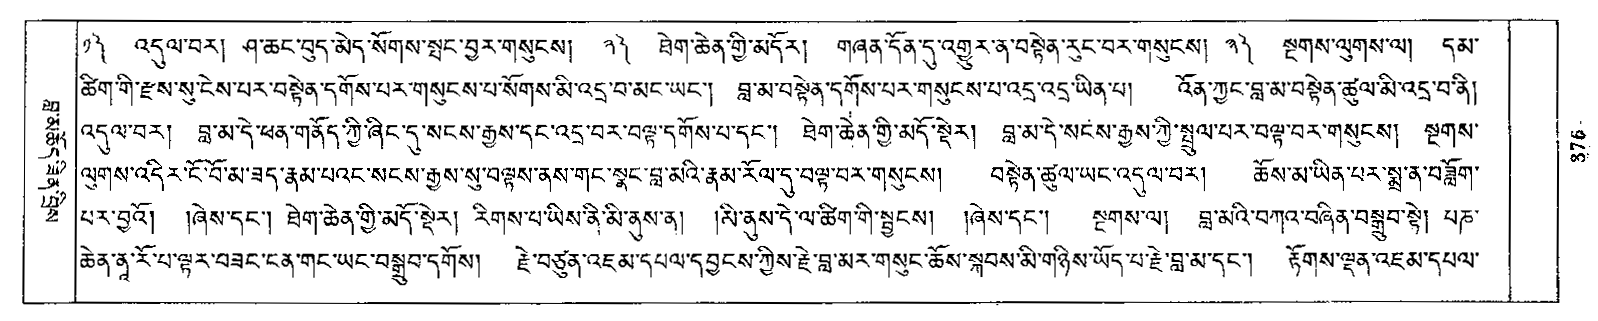༡༼་འདུལ་བར། ཤ་ཆང་བུད་མེད་སོགས་སྤང་བྱར་གསུངས། ༢༽ ཐེག་ཆེན་གྱི་མདོར། གཞན་དོན་དུ་འགྱུར་ན་བསྟེན་རུང་བར་གསུངས། ༣་སྔགས་ལུགས་ལ། དམ་
ཚིག་གི་རྫས་སུ་ངེས་པར་བསྟེན་དགོས་པར་གསུངས་པ་སོགས་མི་འདྲ་བ་མང་ཡང་། བླ་མ་བསྟེན་དགོས་པར་གསུངས་པ་འདྲ་འདྲ་ཡིན་པ། འོན་ཀྱང་བླ་མ་བསྟེན་ཚུལ་མི་འདྲ་བ་ནི།
འདུལ་བར། བླ་མ་དེ་ཕན་གནོད་ཀྱི་ཞིང་དུ་སངས་རྒྱས་དང་འདྲ་བར་བལྟ་དགོས་པ་དང་། ཐེག་ཆེན་གྱི་མདོ་སྡེར། བླ་མ་དེ་སངས་རྒྱས་ཀྱི་སྤྲུལ་པར་བལྟ་བར་གསུངས། སྔགས་
ལུགས་འདིར་ངོ་བོ་མ་ཟད་རྣམ་པའང་སངས་རྒྱས་སུ་བལྟས་ནས་གང་སྣང་བླ་མའི་རྣམ་རོལ་དུ་བལྟ་བར་གསུངས། བསྟེན་ཚུལ་ཡང་འདུལ་བར། ཆོས་མ་ཡིན་པར་སྨྲ་ན་བཟློག་
པར་བྱའོ། །ཞེས་དང་། ཐེག་ཆེན་གྱི་མདོ་སྡེར། རིགས་པ་ཡིས་ནི་མི་ནུས་ན། །མི་ནུས་དེ་ལ་ཚིག་གི་སྦྱངས། །ཞེས་དང་། སྔགས་ལ། བླ་མའི་བཀའ་བཞིན་བསྒྲུབ་སྟེ། པཎ་
ཆེན་ནཱ་རོ་པ་ལྟར་བཟང་ངན་གང་ཡང་བསྒྲུབ་དགོས། རྗེ་བཙུན་འཇམ་དཔལ་དབྱངས་ཀྱིས་རྗེ་བླ་མར་གསུང་ཆོས་སྐབས་མི་གཉིས་ཡོད་པ་རྗེ་བླ་མ་དང་། རྟོགས་ལྡན་འཇམ་དཔལ་